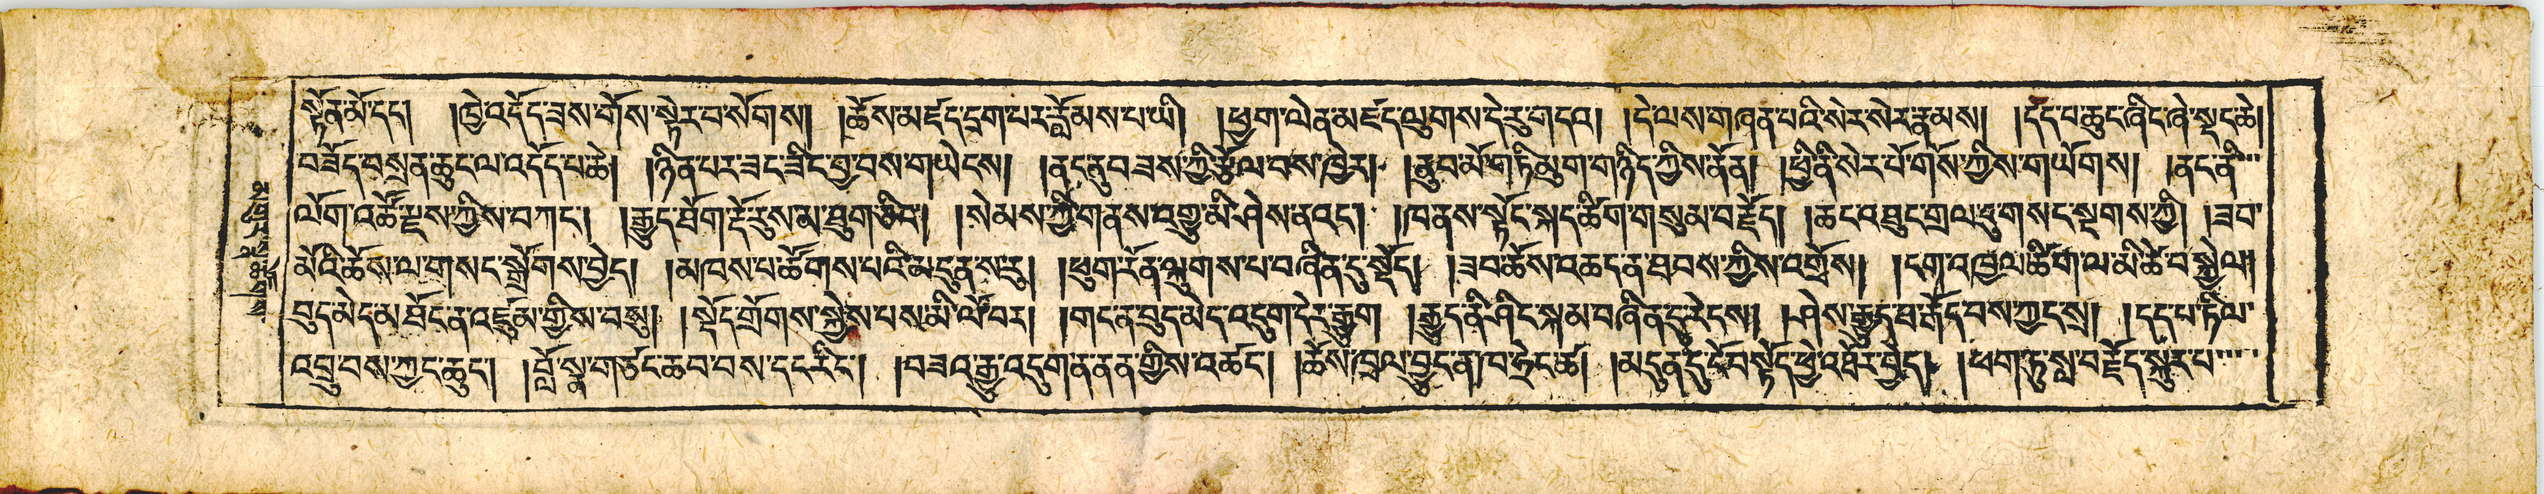སྟོན་མོ་དང་། །ཁྱེ་འདོད་ཟས་གོས་སྟེར་བ་སོགས། །ཆོས་མཛད་དྲག་པར་རློམས་པ་ཡི། །ཕྱག་ལེན་མཛད་ལུགས་དེ་རུ་གདའ། །དེ་ལས་གཞན་པའི་སེར་སེར་རྣམས། །དད་པ་ཆུང་ཞིང་ཞེ་སྡང་ཆེ། །
བཟོད་བསྲན་ཆུང་ལ་འདོད་པ་ཆེ། །ཉིན་པར་ཟང་ཟིང་བྱ་བས་གཡེངས། །ནང་ནུབ་ཟས་ཀྱི་རྩོལ་བས་ཁྱེར། །ནུབ་མོ་གཏི་མུག་གཉིད་ཀྱིས་ནོན། །ཕྱི་ནི་སེར་བོ་གོས་ཀྱིས་གཡོགས། །ནང་ན་
ལོག་འཚོ་རྫས་ཀྱིས་བཀང་། །རྒྱུད་ཐོག་རྡོ་རུས་མ་ཐུག་ཅིང་། །སེམས་ཀྱི་གནས་འགྱུ་མི་ཤེས་ནའང་། །ཁ་ནས་སྟོང་སྐད་ཚིག་གསུམ་བརྗོད། །ཆང་འཐུང་གྲལ་དུ་གསང་སྔགས་ཀྱི། །ཟབ་
མོའི་ཆོས་ལ་གསང་སྒྲོགས་བྱེད། །མཁས་པ་ཚོགས་པའི་མདུན་ས་རུ། །ཕུག་རོན་ལྐུགས་པ་བཞིན་དུ་སྡོད། །ཟབ་ཆོས་འཆད་ན་ཐབས་ཀྱིས་འགྲོས། །ངག་འཁྱལ་ཚིག་ལ་མི་ཚེ་བསྐྱེལ། །
བུད་མེད་མཐོང་ན་འཛུམ་གྱིས་བསུ། །སྡོད་གྲོགས་སྐྱེས་པས་མི་ལོ་བར། །གང་ན་བུད་མེད་འདུག་དེར་རྒྱུག །རྒྱུད་ནི་ཤིང་སྐམ་བཞིན་དུ་རེངས། །ཤེས་རྒྱུད་ཐ་རྒོད་བས་ཀྱང་སྲ། །དད་པ་ཏིལ་
འབྲུ་བས་ཀྱང་ཆུང་། །བློ་སྣ་གཙང་ཆབ་བས་ཀྱངརིང་། །བཟའ་རྒྱུ་འདུག་ན་ནན་གྱིས་འཚང་། །ཆོས་ཁྲལ་བྱུང་ན་ཁ་ཧྲེང་ཚ། །མདུན་དུ་ངོ་བསྟོད་ཕྱེ་འཐོར་བྱེད། །ཕག་ཏུ་སླ་བརྗོད་སྐུར་པ་